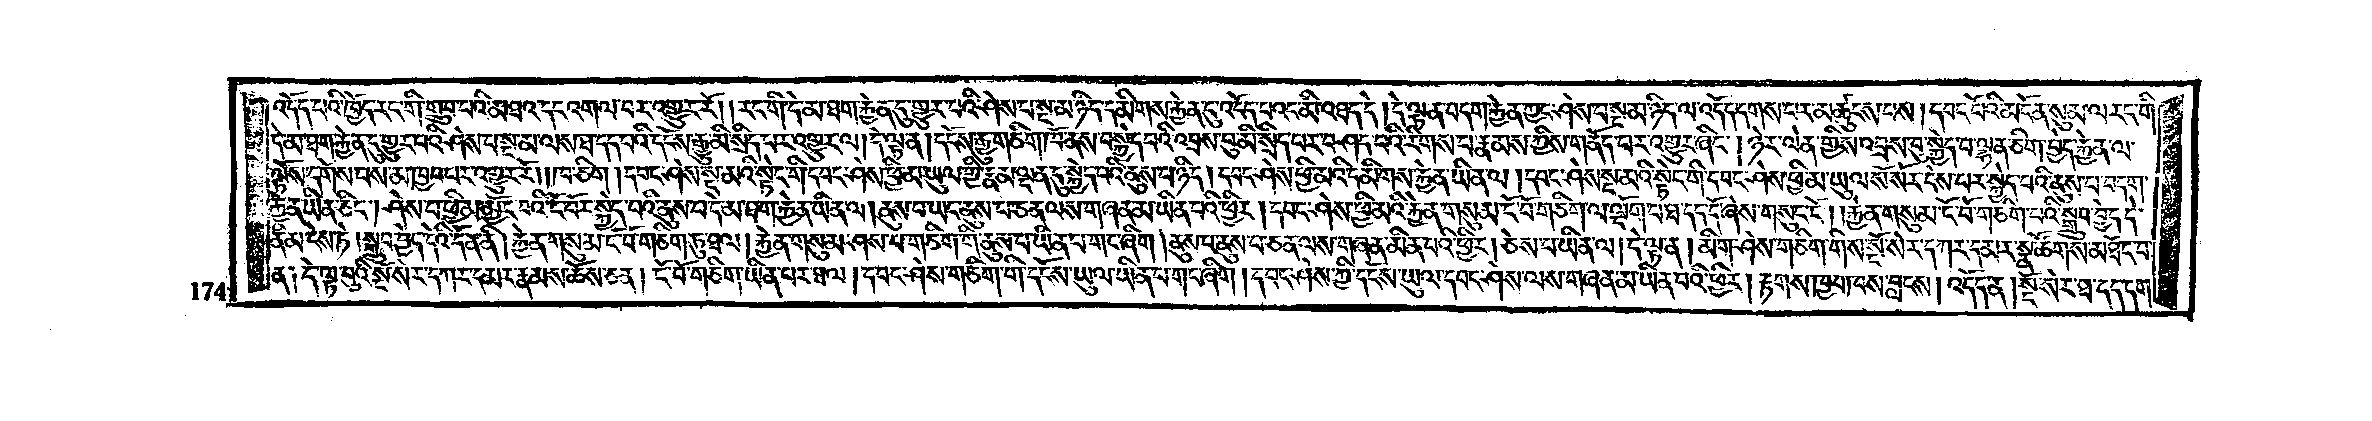འདོད་པའི་ཁྱོད་རང་གི་གྲུབ་པའི་མཐའ་དང་འགལ་བར་འགྱུར་རོ། །རང་གི་དེ་མ་ཐག་རྐྱེན་དུ་གྱུར་པའི་ཤེས་པ་སྔ་མ་ཉིད་དམིགས་རྐྱེན་དུ་འདོད་པའང་མི་འཐད་དེ། དེ་ལྟ་ན་བདག་རྐྱེན་ཀྱང་ཤེས་པ་སྔ་མ་ཉིད་ལ་འདོད་དགོས་པར་མཚུངས་པས། དབང་པོའི་མངོན་སུམ་ལ་རང་གི་
དེ་མ་ཐག་རྐྱེན་དུ་གྱུར་པའི་ཤེས་པ་སྔ་མ་ལས་ཐ་དད་པའི་དངོས་རྒྱུ་མི་སྲིད་པར་འགྱུར་ལ། དེ་ལྟ་ན། དངོས་རྒྱུ་གཅིག་ཁོ་ནས་བསྐྱེད་པའི་འབྲས་བུ་མི་སྲིད་པར་བཤད་པའི་རིགས་པ་རྣམས་ཀྱིས་གནོད་པར་འགྱུར་ཞིང་། ཉེར་ལེན་གྱིས་འབྲས་བུ་སྐྱེད་པ་ལྷན་ཅིག་བྱེད་རྐྱེན་ལ་
ལྟོས་དགོས་པས་མ་ཁྱབ་པར་འགྱུར་རོ། །ཁ་ཅིག །དབང་ཤེས་སྔ་མའི་སྟེང་གི་དབང་ཤེས་ཕྱི་མ་ཡུལ་གྱི་རྣམ་ལྡན་དུ་སྐྱེད་པའི་ནུས་པ་ཉིད། དབང་ཤེས་ཕྱི་མའི་དམིགས་རྐྱེན་ཡིན་ལ། དབང་ཤེས་སྔ་མའི་སྟེང་གི་དབང་ཤེས་ཕྱི་མ་ཡུལ་སོ་སོར་ངེས་པར་སྐྱེད་པའི་ནུས་པ་བདག་
རྐྱེན་ཡིན་ཅིང་། ཤེས་པ་ཕྱི་མ་མྱོང་བའི་ངོ་བོར་སྐྱེད་པའི་ནུས་པ་དེ་མ་ཐག་རྐྱེན་ཡིན་ལ། ནུས་པ་ཡང་ནུས་པ་ཅན་ལས་གཞན་མ་ཡིན་པའི་ཕྱིར། དབང་ཤེས་ཕྱི་མའི་རྐྱེན་གསུམ་ངོ་བོ་གཅིག་ལ་ལྡོག་པ་ཐ་དད་དོ་ཞེས་གསུང་ངོ། །རྐྱེན་གསུམ་ངོ་བོ་གཅིག་པའི་སྒྲུབ་བྱེད་དེ་
ནི་མ་ངེས་ཏེ། སྒྲུབ་བྱེད་དེའི་དོན་ནི། རྐྱེན་གསུམ་ངོ་བོ་གཅིག་ཏུ་ཐལ། རྐྱེན་གསུམ་ཤེས་པ་གཅིག་གི་ནུས་པ་ཡིན་པ་གང་ཞིག །ནུས་པ་ནུས་པ་ཅན་ལས་གཞན་མིན་པའི་ཕྱིར། ཅེས་པ་ཡིན་ལ། དེ་ལྟ་ན། མིག་ཤེས་གཅིག་གིས་སྔོ་སེར་དཀར་དམར་སྣ་ཚོགས་མཐོང་བ་
ན༑ དེ་ལྟ་བུའི་སྔོ་སེར་དཀར་དམར་རྣམས་ཆོས་ཅན། ངོ་བོ་གཅིག་ཡིན་པར་ཐལ། དབང་ཤེས་གཅིག་གི་དངོས་ཡུལ་ཡིན་པ་གང་ཞིག །དབང་ཤེས་ཀྱི་དངོས་ཡུལ་དབང་ཤེས་ལས་གཞན་མ་ཡིན་པའི་ཕྱིར། རྟགས་ཁྱབ་ཁས་བླངས། འདོད་ན། སྔོ་སེར་ཐ་དད་དག་